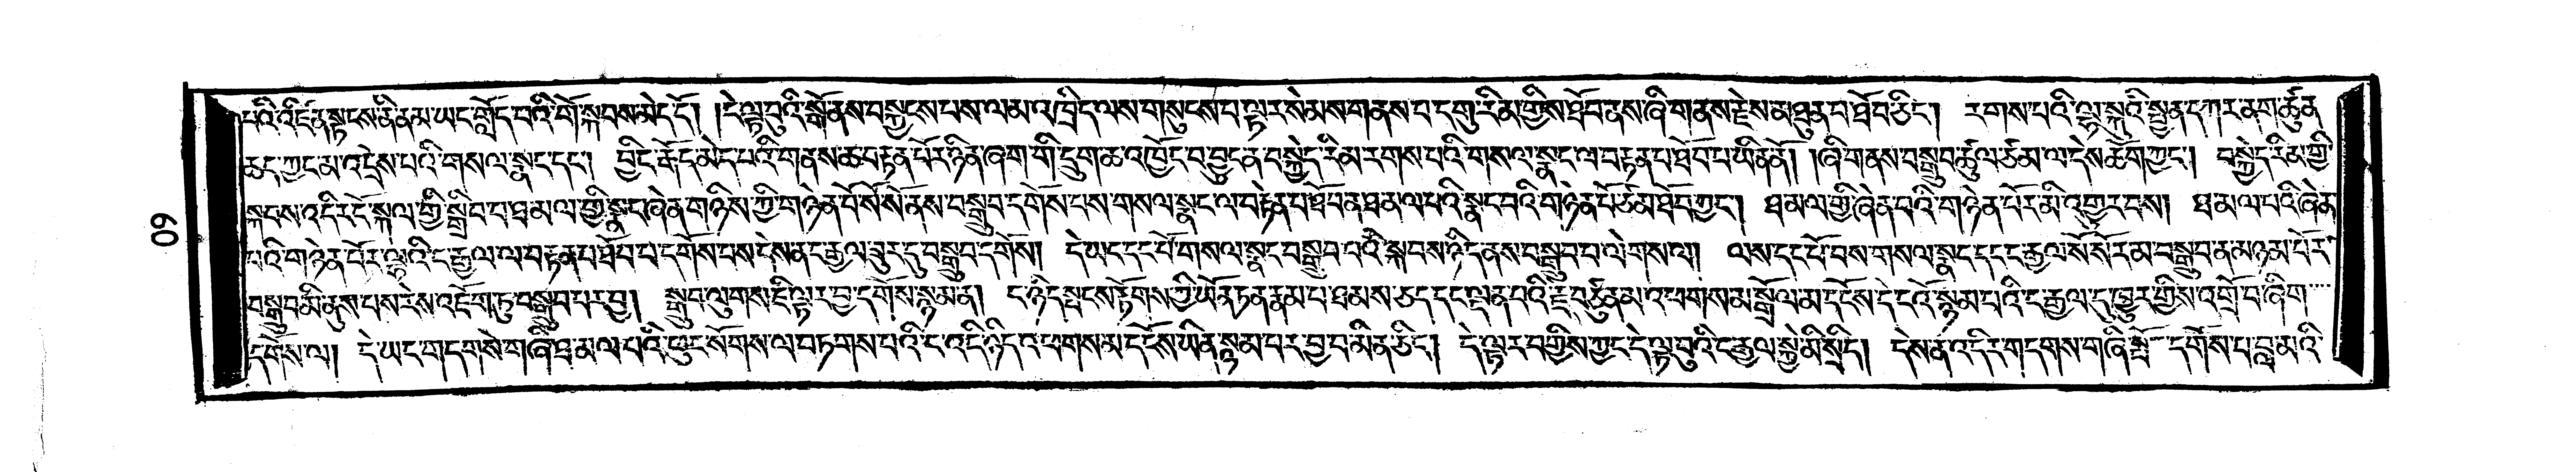པའི་འཛིན་སྟངས་ནི་ནམ་ཡང་གློད་པའི་གོ་སྐབས་མེད་དོ། །དེ་ལྟ་བུའི་སྒོ་ནས་བསྐྱངས་པས་ལམ་འཁྲིད་ལས་གསུངས་པ་ལྟར་སེམས་གནས་པ་དགུ་རིམ་གྱིས་ཐོབ་ནས་ཞི་གནས་རྗེས་མཐུན་པ་ཐོབ་ཅིང་། རགས་པའི་ལྷ་སྐུའི་སྤྱན་དཀར་ནག་ཚུན་
ཆད་ཀྱང་མ་འདྲེས་པའི་གསལ་སྣང་དང་། བྱིང་རྒོད་མེད་པའི་གནས་ཆ་བརྟན་པོར་ཉིན་ཞག་གི་དྲུག་ཆ་འཁྱོད་པ་བྱུང་ན་བསྐྱེད་རིམ་རགས་པའི་གསལ་སྣང་ལ་བརྟན་པ་ཐོབ་པ་ཡིན་ནོ། །ཞི་གནས་བསྒྲུབ་ཚུལ་ཙམ་ལ་དེས་ཆོག་ཀྱང་། བསྐྱེད་རིམ་གྱི་
སྐབས་འདིར་ངོ་སྐལ་གྱི་སྒྲིབ་པ་ཐ་མལ་གྱི་སྣང་ཞེན་གཉིས་ཀྱི་གཉེན་པོ་སོ་སོ་ནས་བསྒྲུབ་དགོས་པས་གསལ་སྣང་ལ་བརྟན་པ་ཐོབ་ན་ཐ་མལ་བའི་སྣང་བའི་གཉེན་པོ་ཙམ་ཐོབ་ཀྱང་། ཐ་མལ་གྱི་ཞོན་པའི་གཉེན་པོར་མི་འགྱུར་བས། ཐ་མལ་པའི་ཞེན་
པའི་གཉེན་པོར་ལྷའི་ང་རྒྱལ་ལ་བརྟན་པ་ཐོབ་པ་དགོས་པས་དེས་ན་ང་རྒྱལ་ཟུར་དུ་བསྒྲུབ་དགོས། དེ་ཡང་དང་པོ་གསལ་སྣང་བསྒྲུབ་པའི་སྐབས་ཉིད་ནས་བསྒྲུབ་པ་ལེགས་ལ། ལས་དང་པོ་པས་གསལ་སྣང་དང་ང་རྒྱལ་སོ་སོར་མ་བསྒྲུབ་ན་མཉམ་པོར་
བསྒྲུབ་མི་ནུས་པས་རེས་འཇོག་ཏུ་བསྒྲུབ་པར་བྱ། སྒྲུབ་ལུགས་ཇི་ལྟར་བྱ་དགོས་སྙམ་ན། ང་ཉིད་སྤངས་རྟོགས་ཀྱི་ཡོན་ཏན་རྣམ་པ་ཐམས་ཅད་དང་ལྡན་པའི་རྗེ་བཙུན་མ་འཕགས་མ་སྒྲོལ་མ་དངོས་དེ་ངའོ་སྙམ་པའི་ང་རྒྱལ་དུ་ཁྱུར་གྱིས་འགྲོ་བ་ཞིག་
དགོས་ལ། དེ་ཡང་གདགས་གཞི་ཐ་མལ་པའི་ཕུང་སོགས་ལ་བཏགས་པའི་ང་འདི་ཉིད་འཕགས་མ་དངོས་ཡིན་སྙམ་པར་བྱ་བ་མིན་ཅིང་། དེ་ལྟར་བགྱིས་ཀྱང་དེ་ལྟ་བུའི་ང་རྒྱལ་སྐྱེ་མི་སྲིད། དེས་ན་འདིར་གདགས་གཞི་སྤོ་དགོས་པ་བླ་མའི་